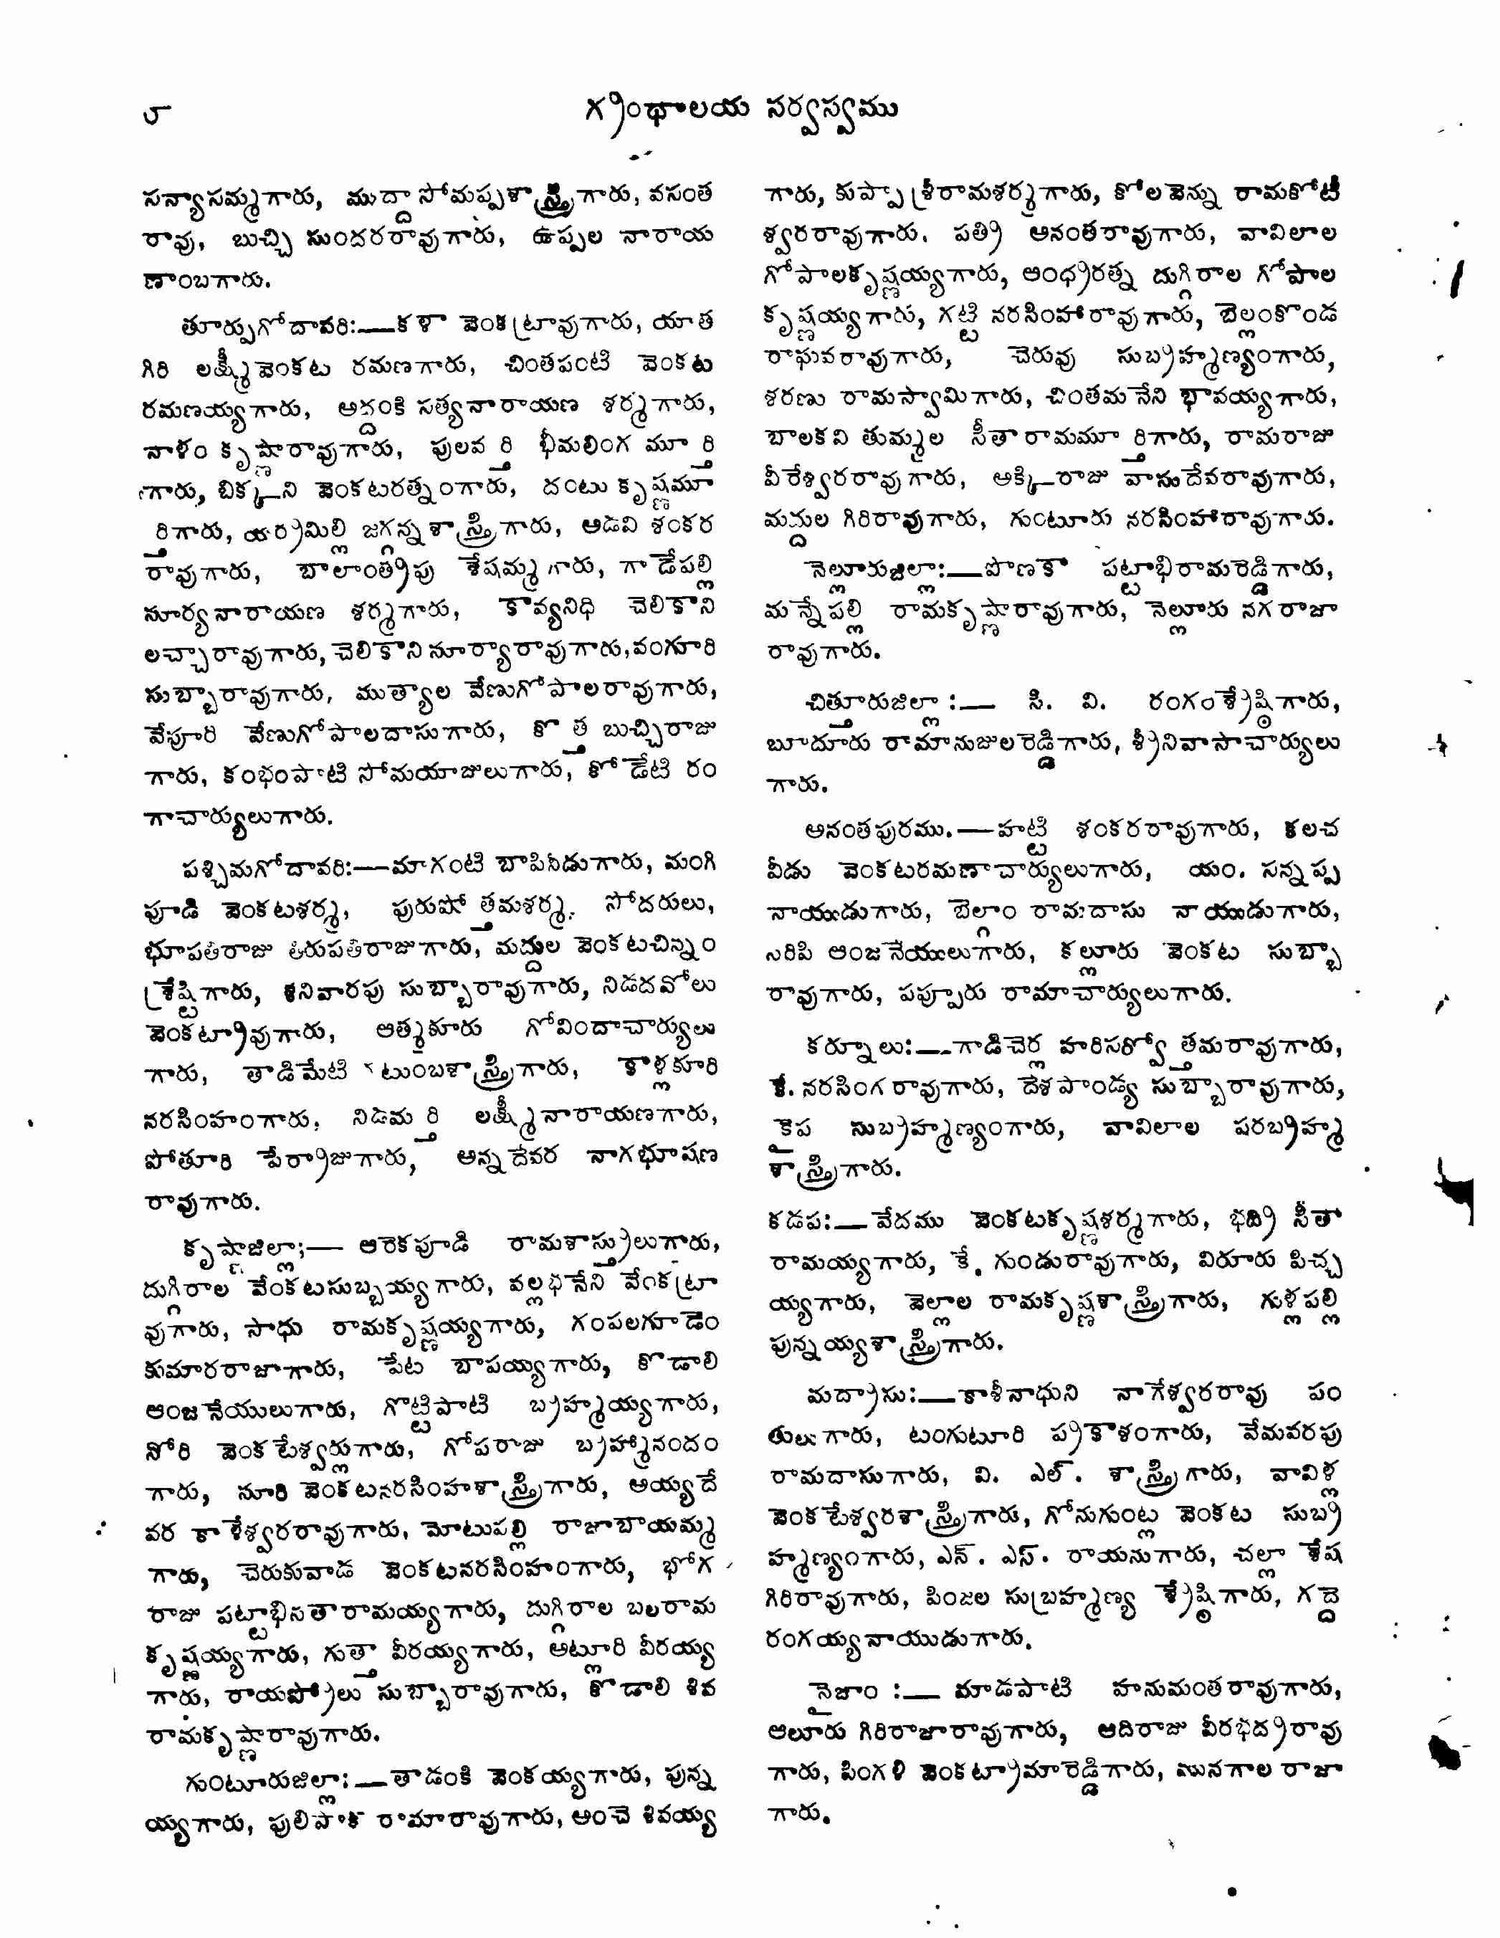సన్యాసమ్మ గారు, ముద్దా సోమప్పశాస్త్రి గారు, వసంత రావు, బుచ్చి సుందర రావుగారు, ఉప్పల నారాయణాంబగారు.

తూర్పు గోదావరి:౼ కళా వెంకట్రావు గారు, యాతగిరి లక్ష్మీవెంకట రమణగారు, చింతపంటి వెంకట రమణయ్య గారు, అద్దంకి సత్యనారాయణ శర్మగారు, నాళం కృష్ణారావుగారు, పులవర్తి భీమలింగ మూర్తి గారు, బిక్కని వెంకటరత్నంగారు, దంటు కృష్ణమూర్తిగారు, యర్రమిల్లి జగ్గన్న శాస్త్రి గారు, అడివి శంకర రావు గారు, బాలాంత్రపు శేషమ్మ గారు, గాడేపల్లి సూర్యనారాయణ శర్మగారు, కావ్యనిధి చెలికాని లచ్చారావు గారు, చెలికాని సూర్యారావు గారు, వంగూరి సుబ్బారావుగారు, ముత్యాల వేణుగోపాల రావుగారు, వేపూరి వేణుగోపాలదాసుగారు, కొత బుచ్చిరాజు గారు, కంభంపాటి సోమయాజులుగారు, కోడేటి రంగాచార్యులుగారు.

పశ్చిమ గోదావరి:—— మాగంటి బాపినీడు గారు, మంగిపూడి వెంకటశర్మ, పురుషో తమశర్మ, సోదరులు, భూపతిరాజు తిరుపతిరాజు 
గారు, మద్దుల వెంకటచిన్నంశ్రేష్టిగారు, శనివారపు సుబ్బారావు గారు, నిడదవోలు వెంకట్రావుగారు, ఆత్మకూరు గోవిందాచార్యులు
గారు, తాడిమేటి టుంబశాస్త్రిగారు, కాళ్లకూరి నరసింహంగారు, నిడమర్తి లక్ష్మీ నారాయణగారు, పోతూరి పేరాజుగారు, అన్న దేవర నాగభూషణరావుగారు.

కృష్ణా జిల్లా;— అరెకపూడి రామశాస్త్రులుగారు, దుగ్గిరాల వేంకటసుబ్బయ్య గారు, వల్లభనేని వేంకట్రావుగారు, సాధు రామకృష్ణయ్యగారు, గంపలగూడెం కుమారరాజాగారు, 'పేట బాపయ్య గారు, కొడాలి ఆంజనేయులు గారు, గొట్టిపాటి బ్రహ్మయ్య గారు, నోరి వెంకటేశ్వర్లు గారు, గోపరాజు బ్రహ్మానందం గారు, నూరి వెంకటనరసింహశాస్త్రిగారు, అయ్యదేవర కాళేశ్వరరావు గారు, మోటుపల్లి రాజాబాయమ్మ
చెరుకువాడ వెంకటనరసింహంగారు, భోగరాజు పట్టాభినతారామయ్య గారు, దుగ్గిరాల బలరామ కృష్ణయ్యగారు, గుత్తా వీరయ్య గారు, అట్లూరి వీరయ్య గారు, రాయప్రోలు సుబ్బారావుగారు, కొడాలి శివ రామకృష్ణారావుగారు.

గుంటూరు జిల్లా:౼ తాడంకి వెంకయ్యగారు, పున్నయ్యగారు, పులిపాక రామారావుగారు, అంచె శివయ్యగారు, కుప్పా శ్రీరామశర్మగారు, కోలవెన్ను రామకోటీశ్వరరావుగారు. పత్రి అనంతరావుగారు, వావిలాల గోపాలకృష్ణయ్య గారు, ఆంధ్రరత్న దుగ్గిరాల గోపాల కృష్ణయ్య గారు, గట్టి నరసింహారావు గారు, బెల్లంకొండ రాఘవరావు గారు, చెరువు సుబ్రహ్మణ్యం గారు, శరణు రామస్వామి గారు, చింతమనేని భావయ్యగారు, బాలకని తుమ్మల సీతారామమూర్తిగారు, రామరాజు వీరేశ్వరరావు గారు, అక్కిరాజు వాసుదేవరావుగారు, మనుల గిరిరావుగారు, గుంటూరు నరసింహారావుగారు.

నెలూరు జిల్లా: _పొణకా పటాభిరామరెడ్డి గారు, మన్నేపల్లి రామకృష్ణారావు గారు, నెల్లూరు నగరాజా రావు గారు.

చిత్తూరు జిల్లా:— సి. వి. రంగంశ్రేష్ఠిగారు, బూదూరు రామానుజుల రెడ్డి గారు, శ్రీనివాసాచార్యులు గారు.

అనంతపురము. హటి శంకరరావుగారు, కలచవీడు వెంకటరమణా చార్యులు గారు, యం. సన్నప్ప నాయుడుగారు, బెలాం రామదాసు నాయుడుగారు, ఎరిపి ఆంజనేయులు గారు, కలూరు వెంకట సుబ్బావుగారు, పప్పూరు రామాచార్యులుగారు.

కర్నూలు:౼ గాడి చెర్ల హరిసర్వోత్తమరావుగారు, కే. నరసింగ రావుగారు, దేశపాండ్య సుబ్బారావు గారు, కైప సుబ్రహ్మణ్యం గారు, 
వావిలాల పరబ్రహ్మశాస్త్రిగారు.

కడప:౼ వేదము వెంకటకృష్ణశర్మగారు, భద్రి సీతా రామయ్య గారు, `కే గుండు రావుగారు, విరూరు పిచ్చయ్యగారు, వెల్లాల రామకృష్ణశాస్త్రి గారు, గుళ్లపల్లి పున్నయ్యశాస్త్రిగారు.

మద్రాసు:—కాశీనాధుని నాగేశ్వరరావు పంతులు గారు, టంగుటూరి ప్రకాశంగారు, వేమవరపు రామదాసుగారు, వి. ఎల్. శాస్త్రి గారు, 
వావిళ్ల వెంకటేశ్వరశాస్త్రి గారు, గోనుగుంట్ల వెంకట సుబ్రహ్మణ్యంగారు, ఎన్. ఎస్. రాయనుగారు, చల్లా శేషగిరిరావు గారు, పింజల సుబ్రహ్మణ్య శ్రేష్ఠి గారు, గద్దె రంగయ్య నాయుడు గారు.

నెజాం : మాడపాటి హనుమంత రావుగారు, ఆలూరు గిరిరాజారావు గారు, ఆదిరాజు వీరభద్రరావు గారు, పింగళి వెంకట్రామారెడ్డి గారు, మునగాల రాజా గారు.